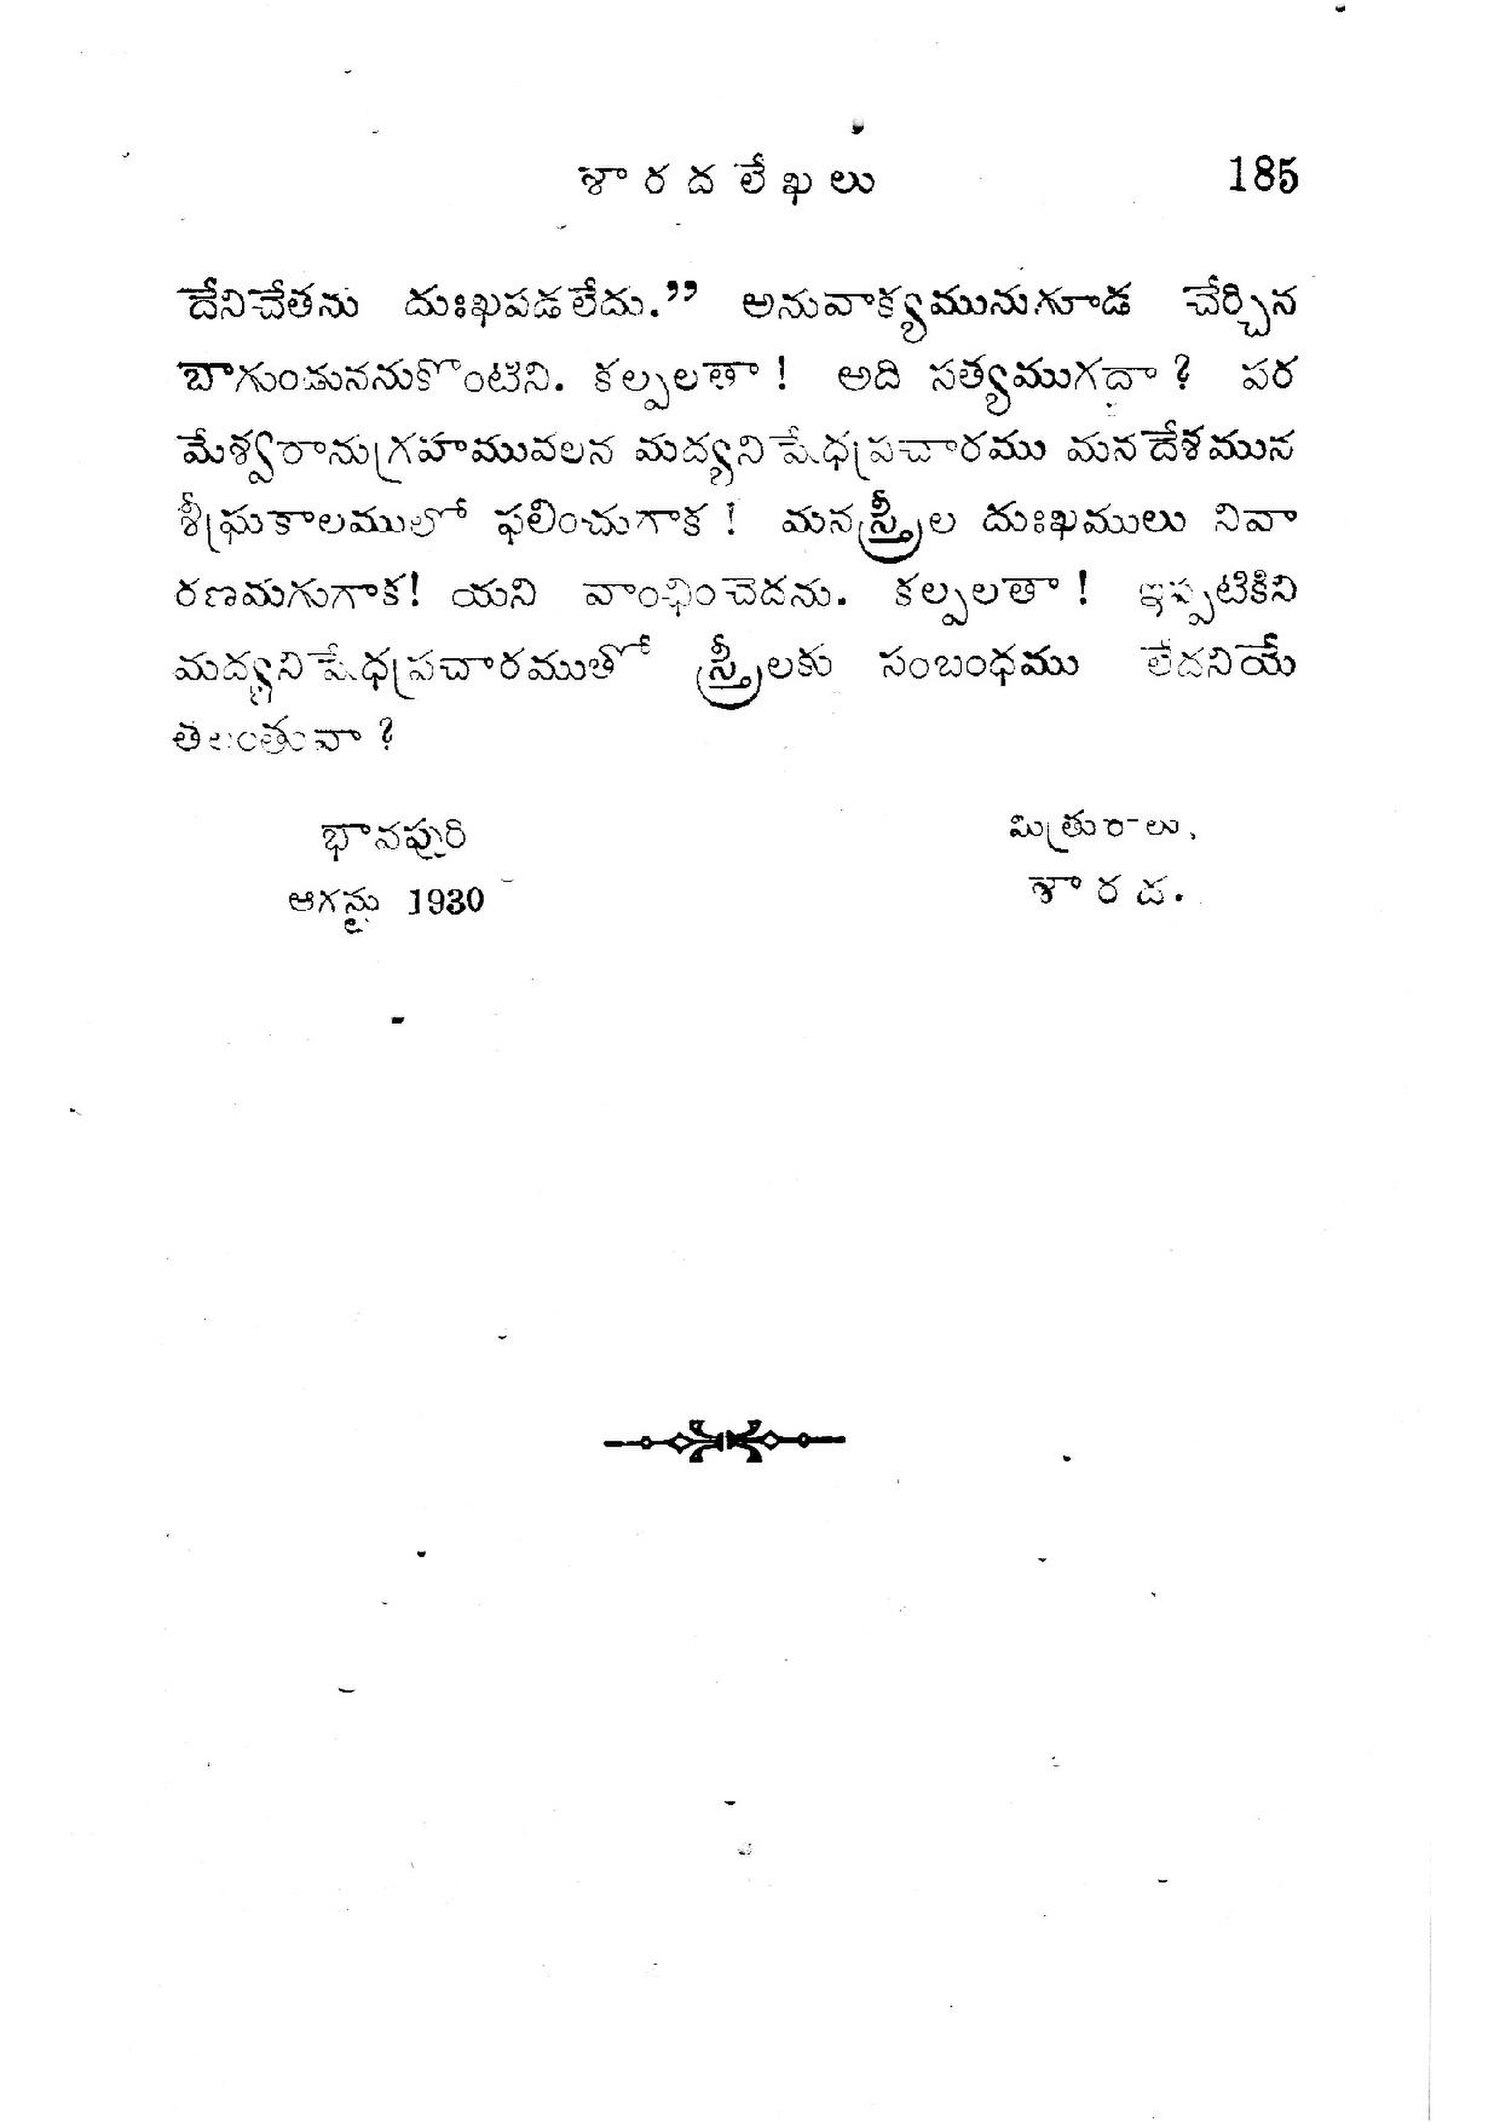దేనిచేతను దుఃఖపడలేదు.” అనువాక్యమునుగూడ చేర్చిన బాగుండుననుకొంటిని. కల్పలతా! అది సత్యముగదా ? పరమేశ్వరానుగ్రహమువలన మద్యనిషేధప్రచారము మనదేశమున శీఘ్రకాలములో ఫలించుగాక! మనస్త్రీల దుఃఖములు నివారణమగుగాక! యని వాంఛించెదను. కల్పలతా! ఇప్పటికిని
మద్యనిషేధప్రచారముతో స్త్రీలకు సంబంధము లేదనియే తెలంతువా ?

̺